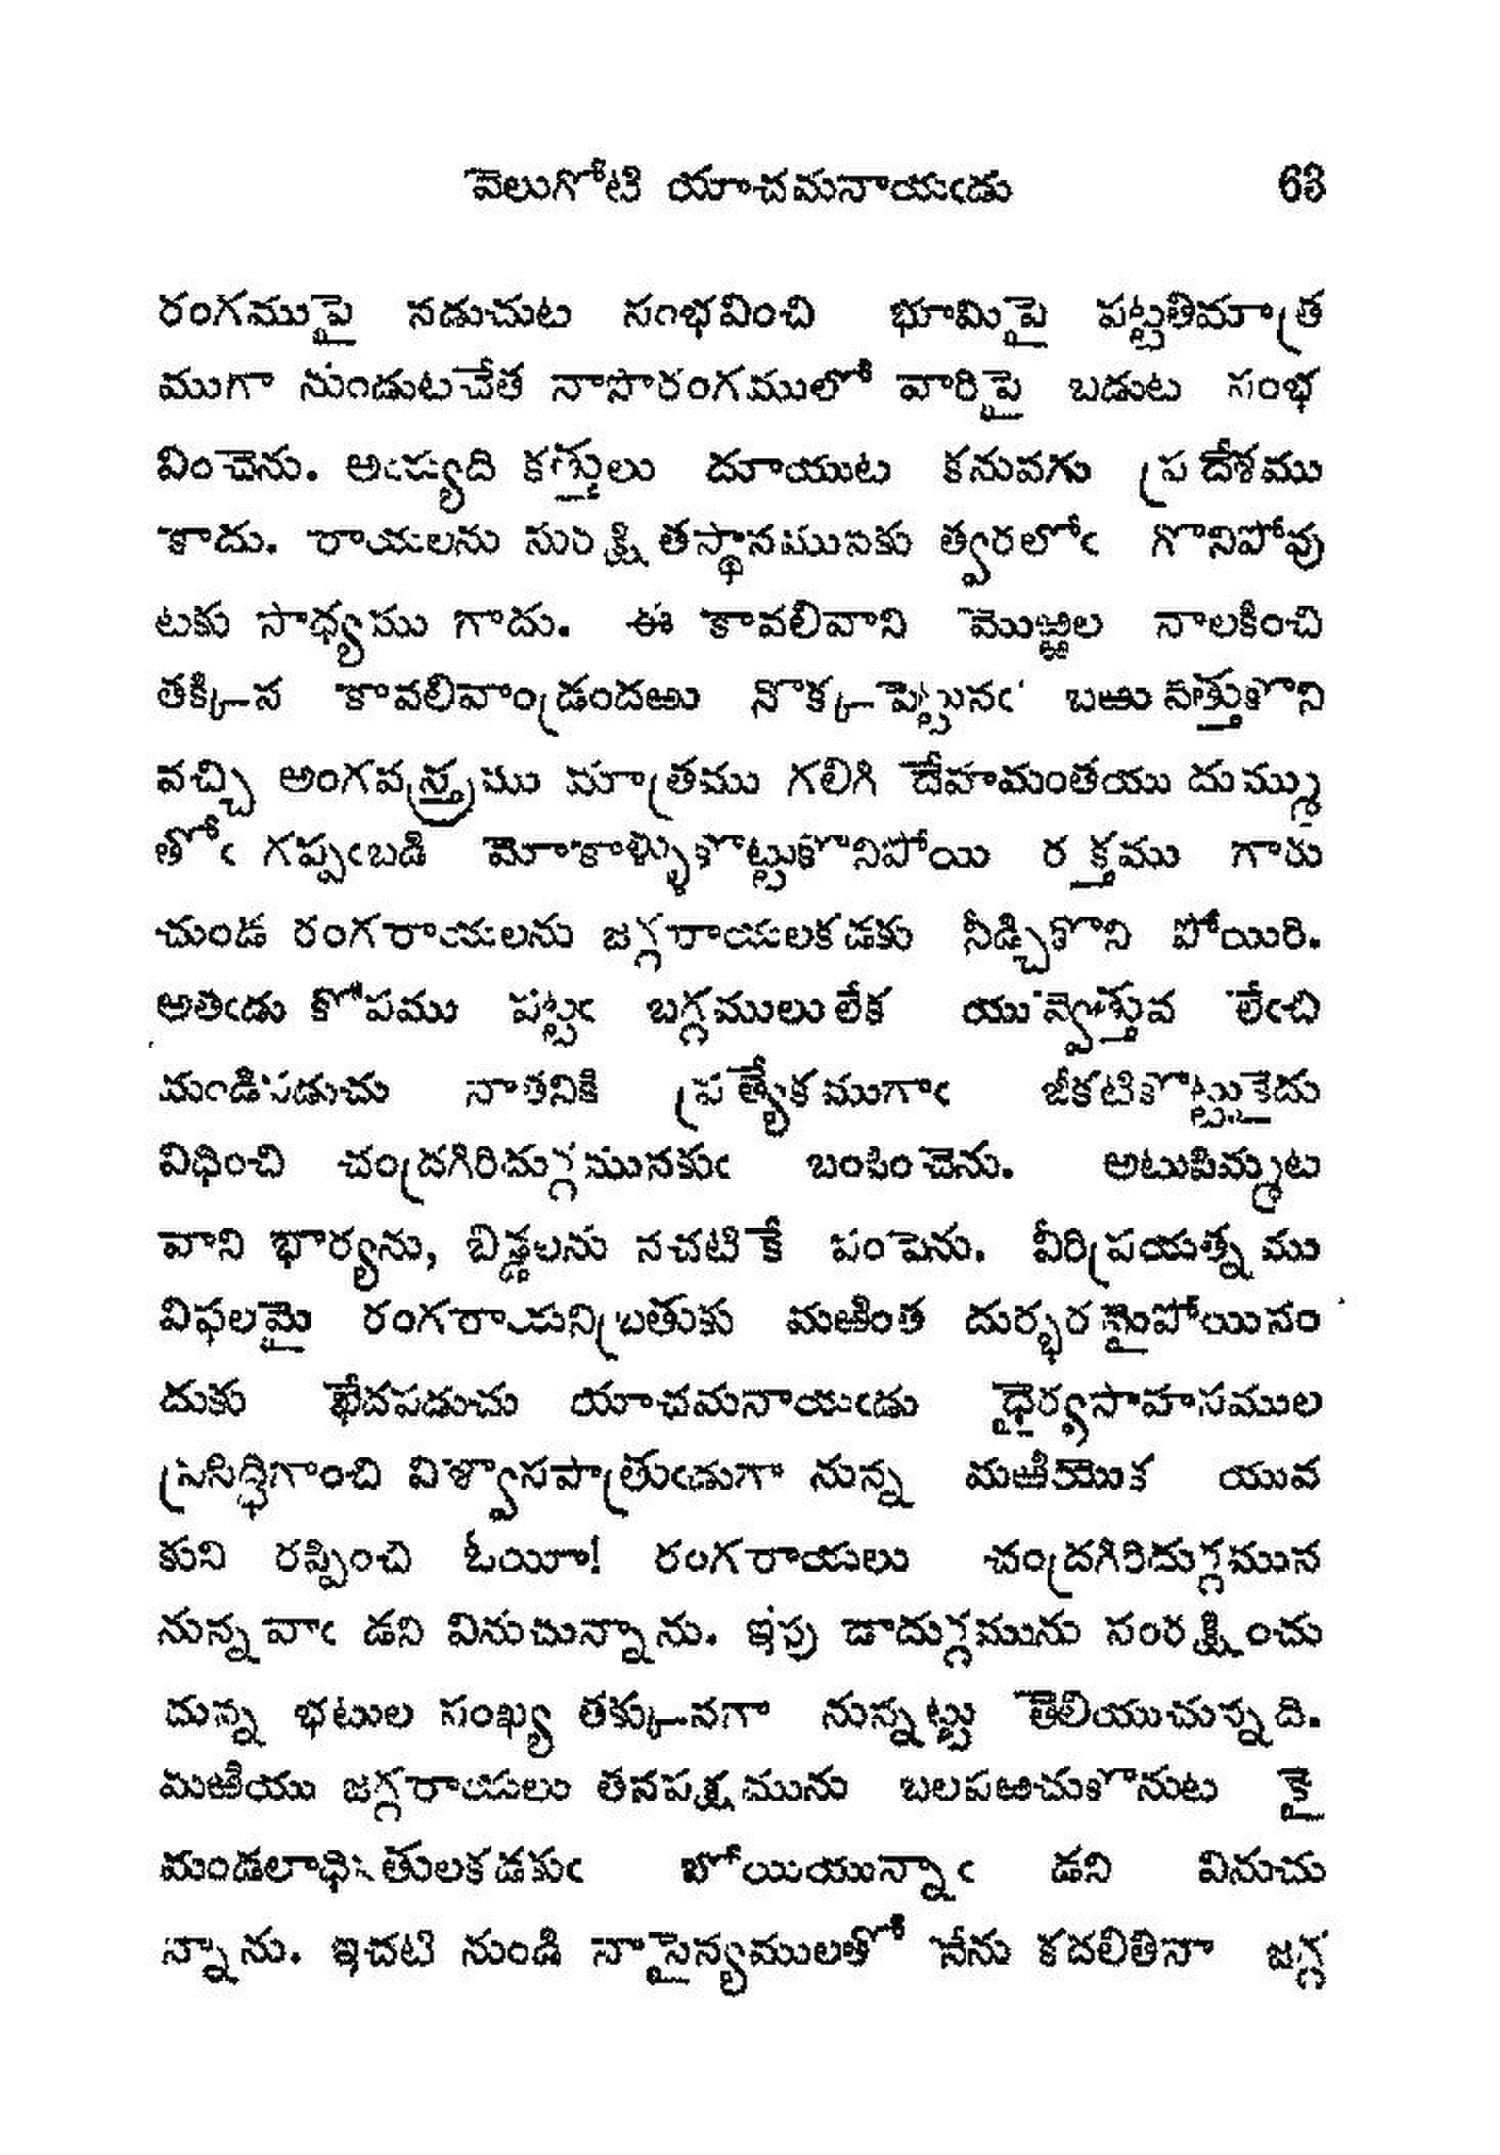రంగముపై నడుచుట సంభవించి భూమిపై పట్టతిమాత్రముగా నుండుటచేత నాసొరంగములో వారిపై బడుట సంభవించెను. అయ్యది కత్తులు దూయుట కనువగు ప్రదేశము కాదు. రాయలను సురక్షితస్థానమునకు త్వరలోఁ గొనిపోవుటకు సాధ్యము గాదు. ఈ కావలివాని మొఱ్ఱల నాలకించి తక్కిన కావలివాండ్రందఱు నొక్కపెట్టునఁ బఱువెత్తుకొని వచ్చి అంగవస్త్రము మాత్రము గలిగి దేహమంతయు దుమ్ముతోఁ గప్పఁబడి మోకాళ్ళుకొట్టుకొనిపోయి రక్తము గారు చుండ రంగరాయలను జగ్గరాయలకడకు నీడ్చికొని పోయిరి. అతఁడు కోపము పట్టఁ బగ్గములులేక యువ్వెత్తువ లేఁచి మండిపడుచు నాతనికి ప్రత్యేకముగాఁ జీకటికొట్టుకైదు విధించి చంద్రగిరిదుర్గమునకుఁ బంపించెను. అటుపిమ్మట వాని భార్యను, బిడ్డలను నచటికే పంపెను. వీరిప్రయత్నము విఫలమై రంగరాయనిబ్రతుకు మఱింత దుర్భరమైపోయినందుకు ఖేదపడుచు యాచమనాయఁడు ధైర్యసాహసముల ప్రసిద్ధిగాంచి విశ్వాసపాత్రుఁడుగా నున్న మఱియొక యువకుని రప్పించి ఓయీ! రంగరాయలు చంద్రగిరిదుర్గమున నున్నవాఁడని వినుచున్నాను. ఇపు డాదుర్గమును సంరంక్షించుచున్న భటుల సంఖ్య తక్కువగా నున్నట్లు తెలియుచున్నది. మఱియు జగ్గరాయలు తనపక్షమును బలపఱచుకొనుట కై మండలాధిపతులకడకుఁ బోయియున్నాఁ డని వినుచున్నాను. ఇచటి నుండి నాసైన్యములతో నేను కదలితినా జగ్గ